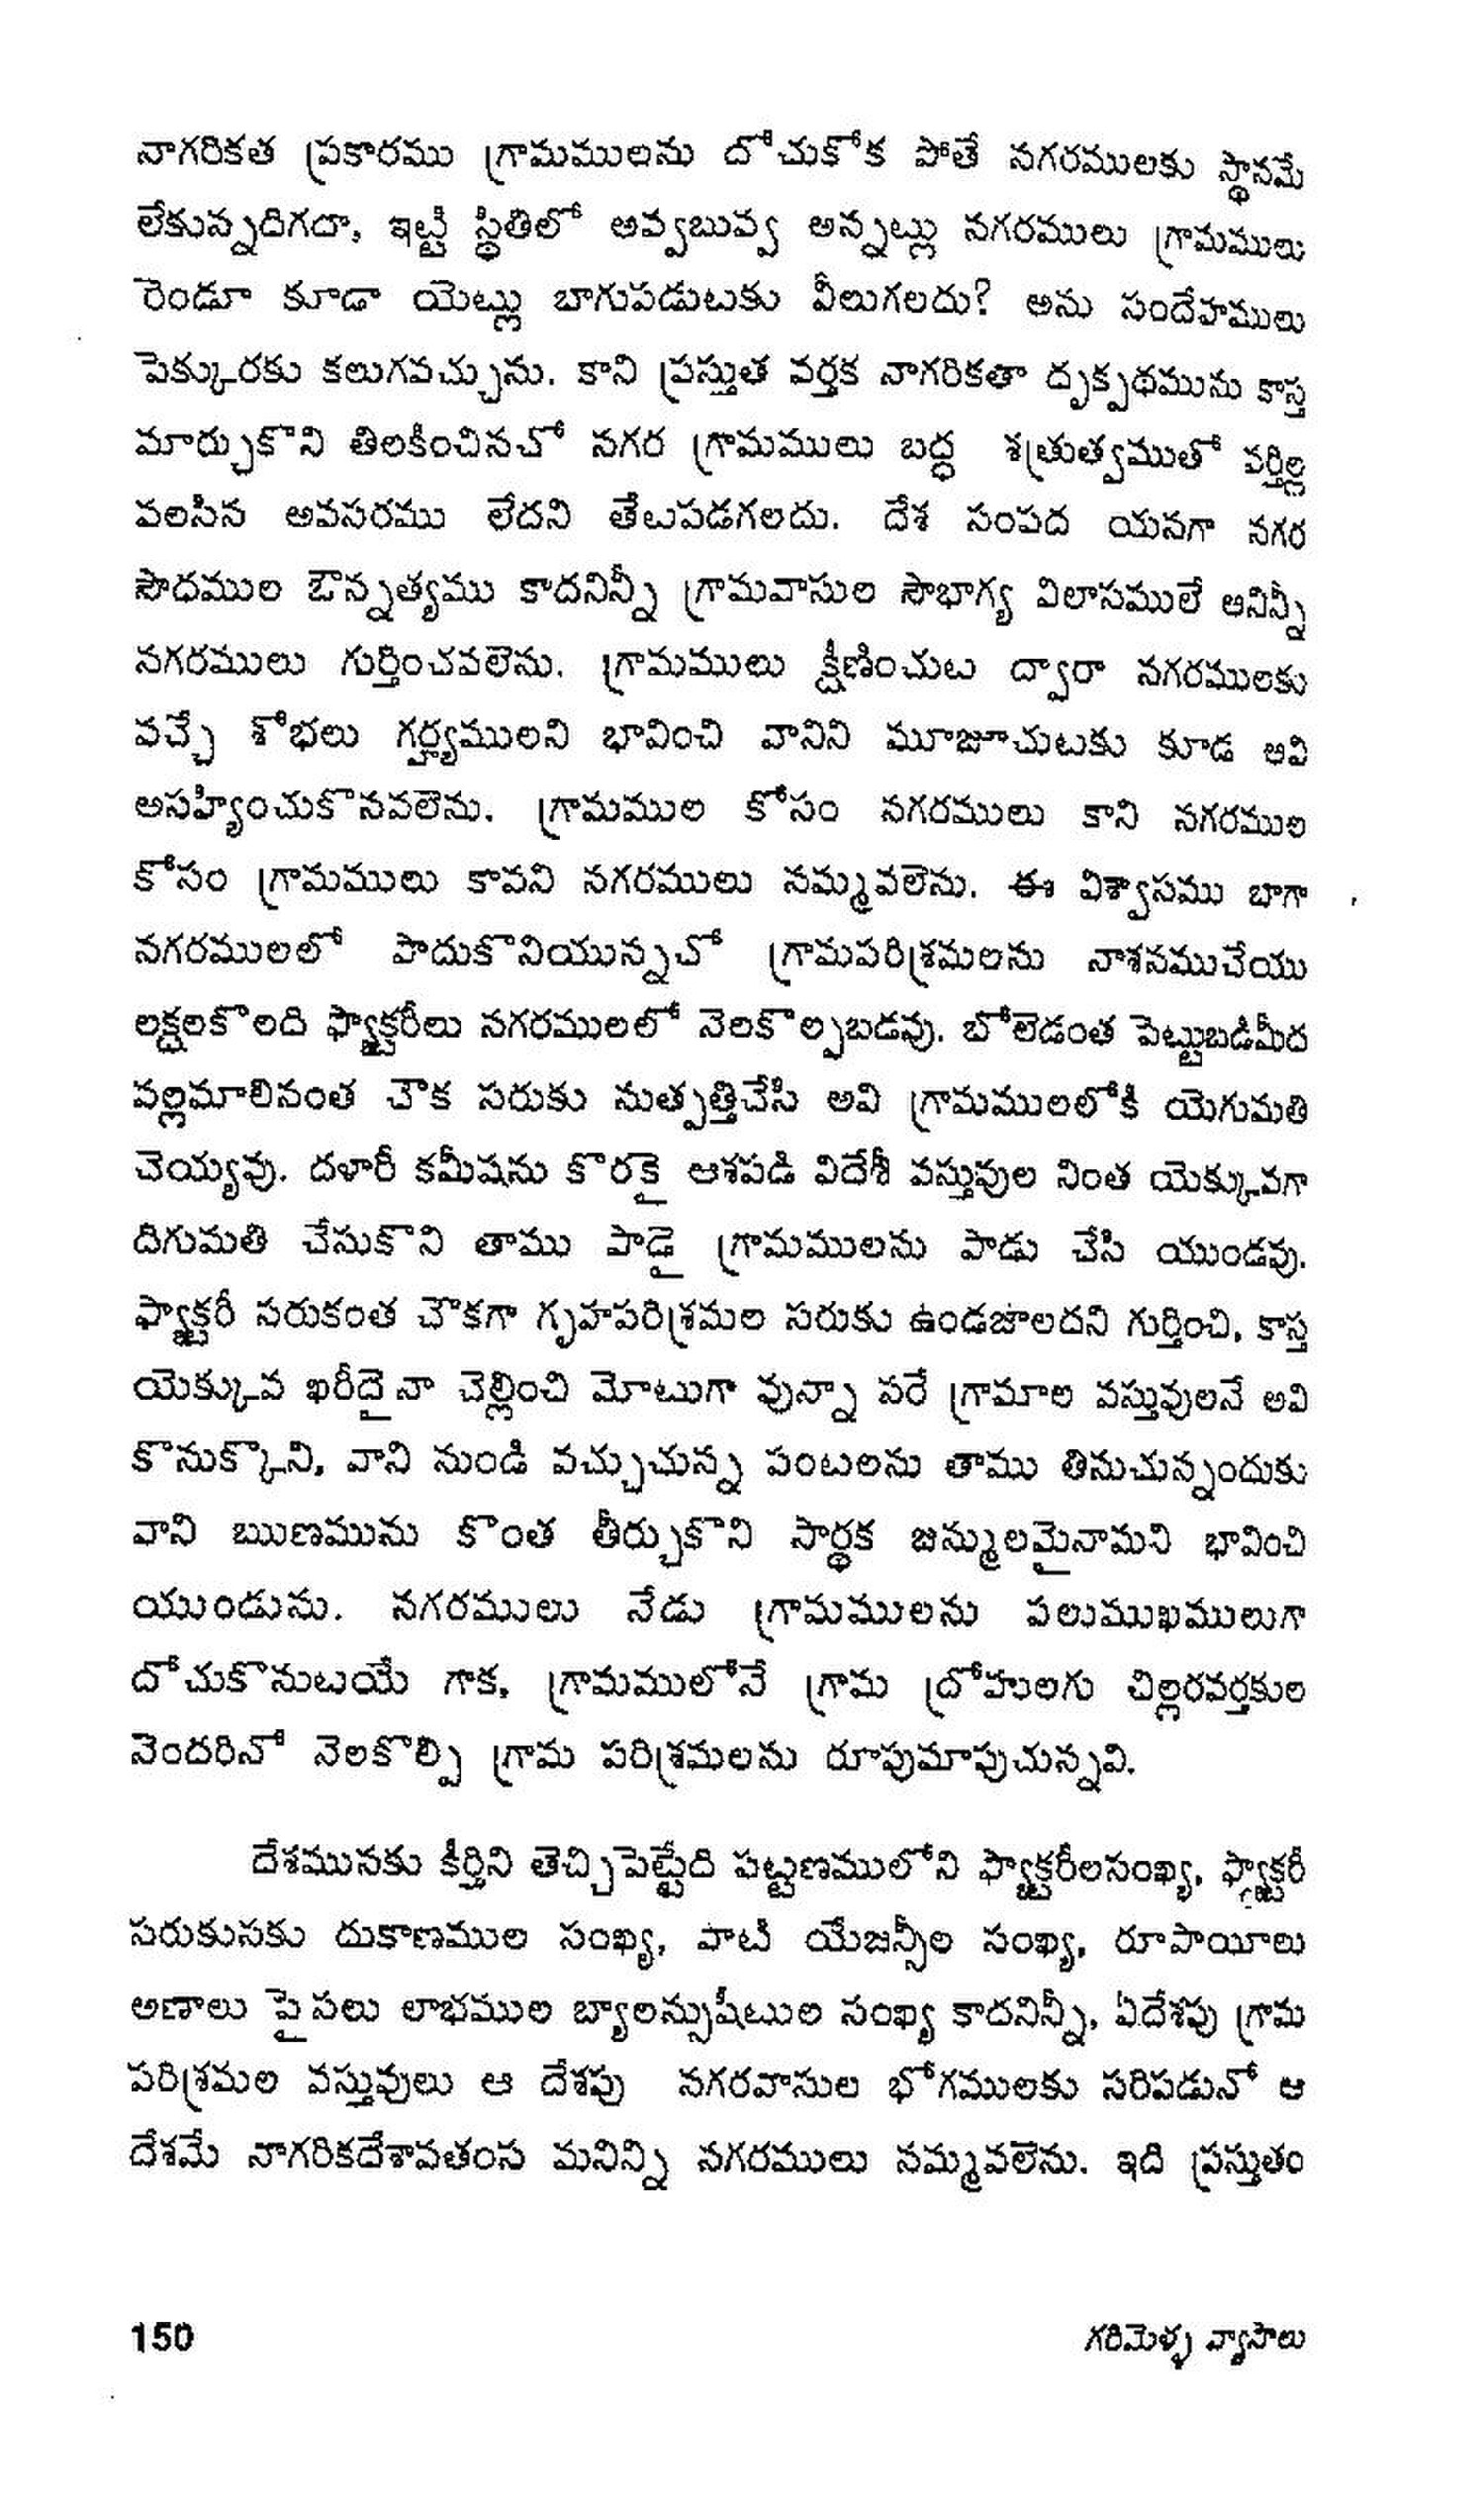నాగరికత ప్రకారము గ్రామములను దోచుకోక పోతే నగరములకు స్థానమే లేకున్నదిగదా. ఇట్టి స్థితిలో అవ్వబువ్వ అన్నట్లు నగరములు గ్రామములు రెండూ కూడా యెట్లు బాగుపడుటకు వీలుగలదు? అను సందేహములు పెక్కురకు కలుగువచ్చును. కాని ప్రస్తుత వర్తక నాగరికతా దృక్పథమును కాస్త మార్చుకొని తిలకించినచో నగర గ్రామములు బద్ధ శత్రుత్వముతో వర్ధిల్ల వలసిన అవసరము లేదని తేటపడగలదు. దేశ సంపద యనగ నగర సౌధముల ఔన్నత్యము కాదనిన్నీ గ్రామవాసుల సౌభాగ్య విలాసములే అనిన్నీ నగరములు గుర్తించవలెను. గ్రామములు క్షీణించుట ద్వారా నగరములకు వచ్చే శోభలు గర్హ్యములని భావించి వానిని మూజూచుటకు కూడ అవి అసహ్యించుకొనవలెను. గ్రామముల కోసం నగరములు కాని నగరముల కోసం గ్రామములు కావని నగరములు నమ్మవలెను. ఈ విశ్వాసము బాగా నగరములలో పాదుకొనియున్నచో గ్రామపరిశ్రమలను నాశనముచేయు లక్షలకొలది ఫ్యాక్టరీలు నగరములలో నెలకొల్పబడవు. బోలెడంత పెట్టుబడిమీద వల్లమాలినంత చౌక సరుకు నుత్పత్తిచేసి అవి గ్రామములలోకి యెగుమతి చెయ్యవు. దళారీ కమీషను కొరకై ఆశపడి విదేశీ వస్తువుల నింత యెక్కువగా దిగుమతి చేసుకొని తాము పాడై గ్రామములను పాడు చేసి యుండవు. ఫ్యాక్టరీ సరుకంత చౌకగ గృహపరిశ్రమల సరుకు ఉండజాలదని గుర్తించి, కాస్త యెక్కువ ఖరీదైనా చెల్లించి మోటుగా వున్నా సరే గ్రామాల వస్తువులనే అవి కొనుక్కొని, వాని నుండి వచ్చుచున్న పంటలను తాము తినుచున్నందుకు వాని ఋణమును కొంత తీర్చుకొని సార్ధక జన్ములమైనామని భావించి యుండును. నగరములు నేడు గ్రామములను పలుముఖములుగా దోచుకొనుటయే గాక, గ్రామములోనే గ్రామ ద్రోహులగు చిల్లరవర్తకుల నెందరినో నెలకొల్పి గ్రామ పరిశ్రమలను రూపుమాపుచున్నవి.

దేశమునకు కీర్తి తెచ్చి పెట్టేది పట్టణములోని ఫ్యాక్టరీలసంఖ్య, ఫ్యాక్టరీ సరుకునకు దుకాణముల సంఖ్య, వాటి యేజన్సీల సంఖ్య, రూపాయీలు అణాలు పైసలు లాభముల బ్యాలన్సుషీటుల సంఖ్య కాదనిన్నీ, ఏదేశపు గ్రామ పరిశ్రమల వస్తువులు ఆ దేశపు నగరవాసుల భోగములకు సరిపడునో ఆ దేశమే నాగరికదేశావతంస మనిన్ని నగరములు నమ్మవలెను. ఇది ప్రస్తుతం